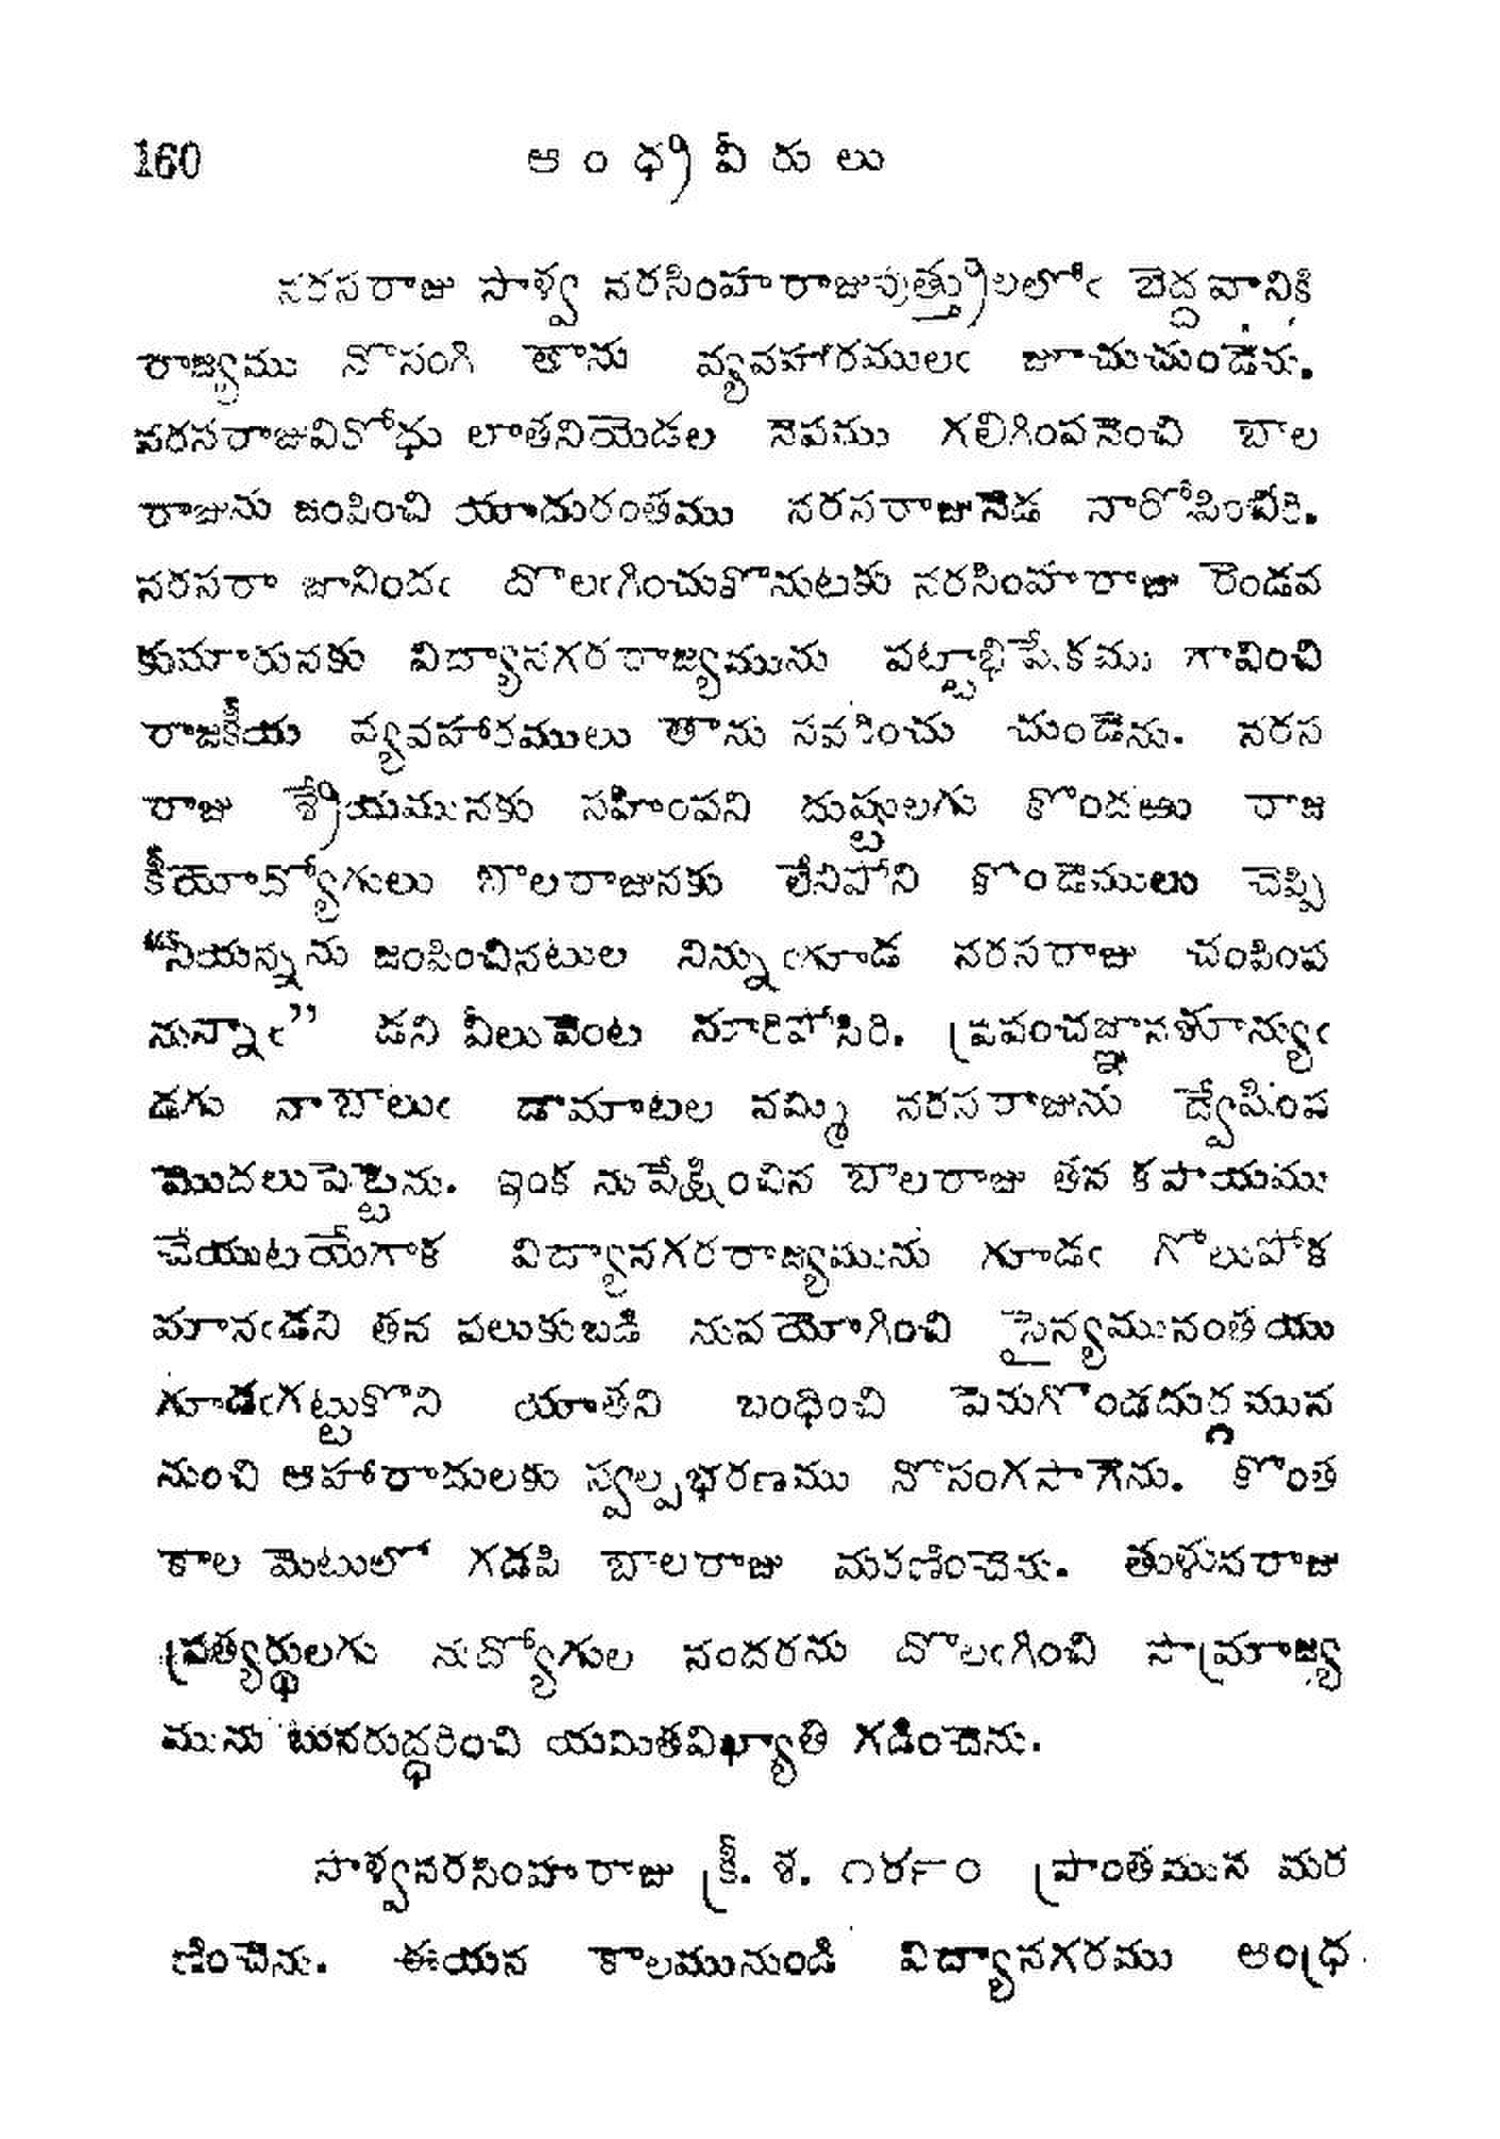నరసరాజు సాళ్వ నరసింహరాజుపుత్రులలో బెద్దవానికి రాజ్యము నొసంగి తాను వ్యవహారముల జూచుచుండెను. నరసరాజువిరోధు లాతనియెడల నెపము గలిగింపనెంచి బాలరాజును జంపించి యాదురంతము నరసరాజునెడ నారోపించిరి. నరసరా జానింద దొలగించుకొనుటకు నరసింహరాజు రెండవ కుమారునకు విద్యానగర రాజ్యమును పట్టాభిషేకము గావించి రాజకీయ వ్యవహారములు తాను సవరించు చుండెను. నరసరాజు శ్రేయమునకు సహింపని దుష్టులగు కొందఱు రాజకీయోద్యోగులు బాలరాజునకు లేనిపోని కొండెములు చెప్పి "నీయన్నను జంపించినటుల నిన్నుంగూడ నరసరాజు చంపింప నున్నా" డని వీలువెంట నూరిపోసిరి. ప్రపంచజ్ఞానశూన్యుడగు నాబాలు డామాటల నమ్మి నరసరాజును ద్వేషింప మొదలు పెట్టెను. ఇంక నుపేక్షించిన బాలరాజు తన కపాయము చేయుటయేగాక విద్యానగరరాజ్యమును గూడ గొలుపోక మానడని తన పలుకుబడి నుపయోగించి సైన్యమునంతయు గూడగట్టుకొని యాతని బంధించి పెనుగొండదుర్గమున నుంచి ఆహారాదులకు స్వల్పభరణము నొసంగసాగెను. కొంతకాల మెటులో గడపి బాలరాజు మరణించెను. తుళువరాజు ప్రత్యర్థులగు నుద్యోగుల నందరను దొలగించి సామ్రాజ్యమును బునరుద్ధరించి యమితవిఖ్యాతి గడించెను.

సాళ్వనరసింహరాజు క్రీ.శ. 1490 ప్రాంతమున మరణించెను. ఈయన కాలమునుండి విద్యానగరము ఆంధ్ర